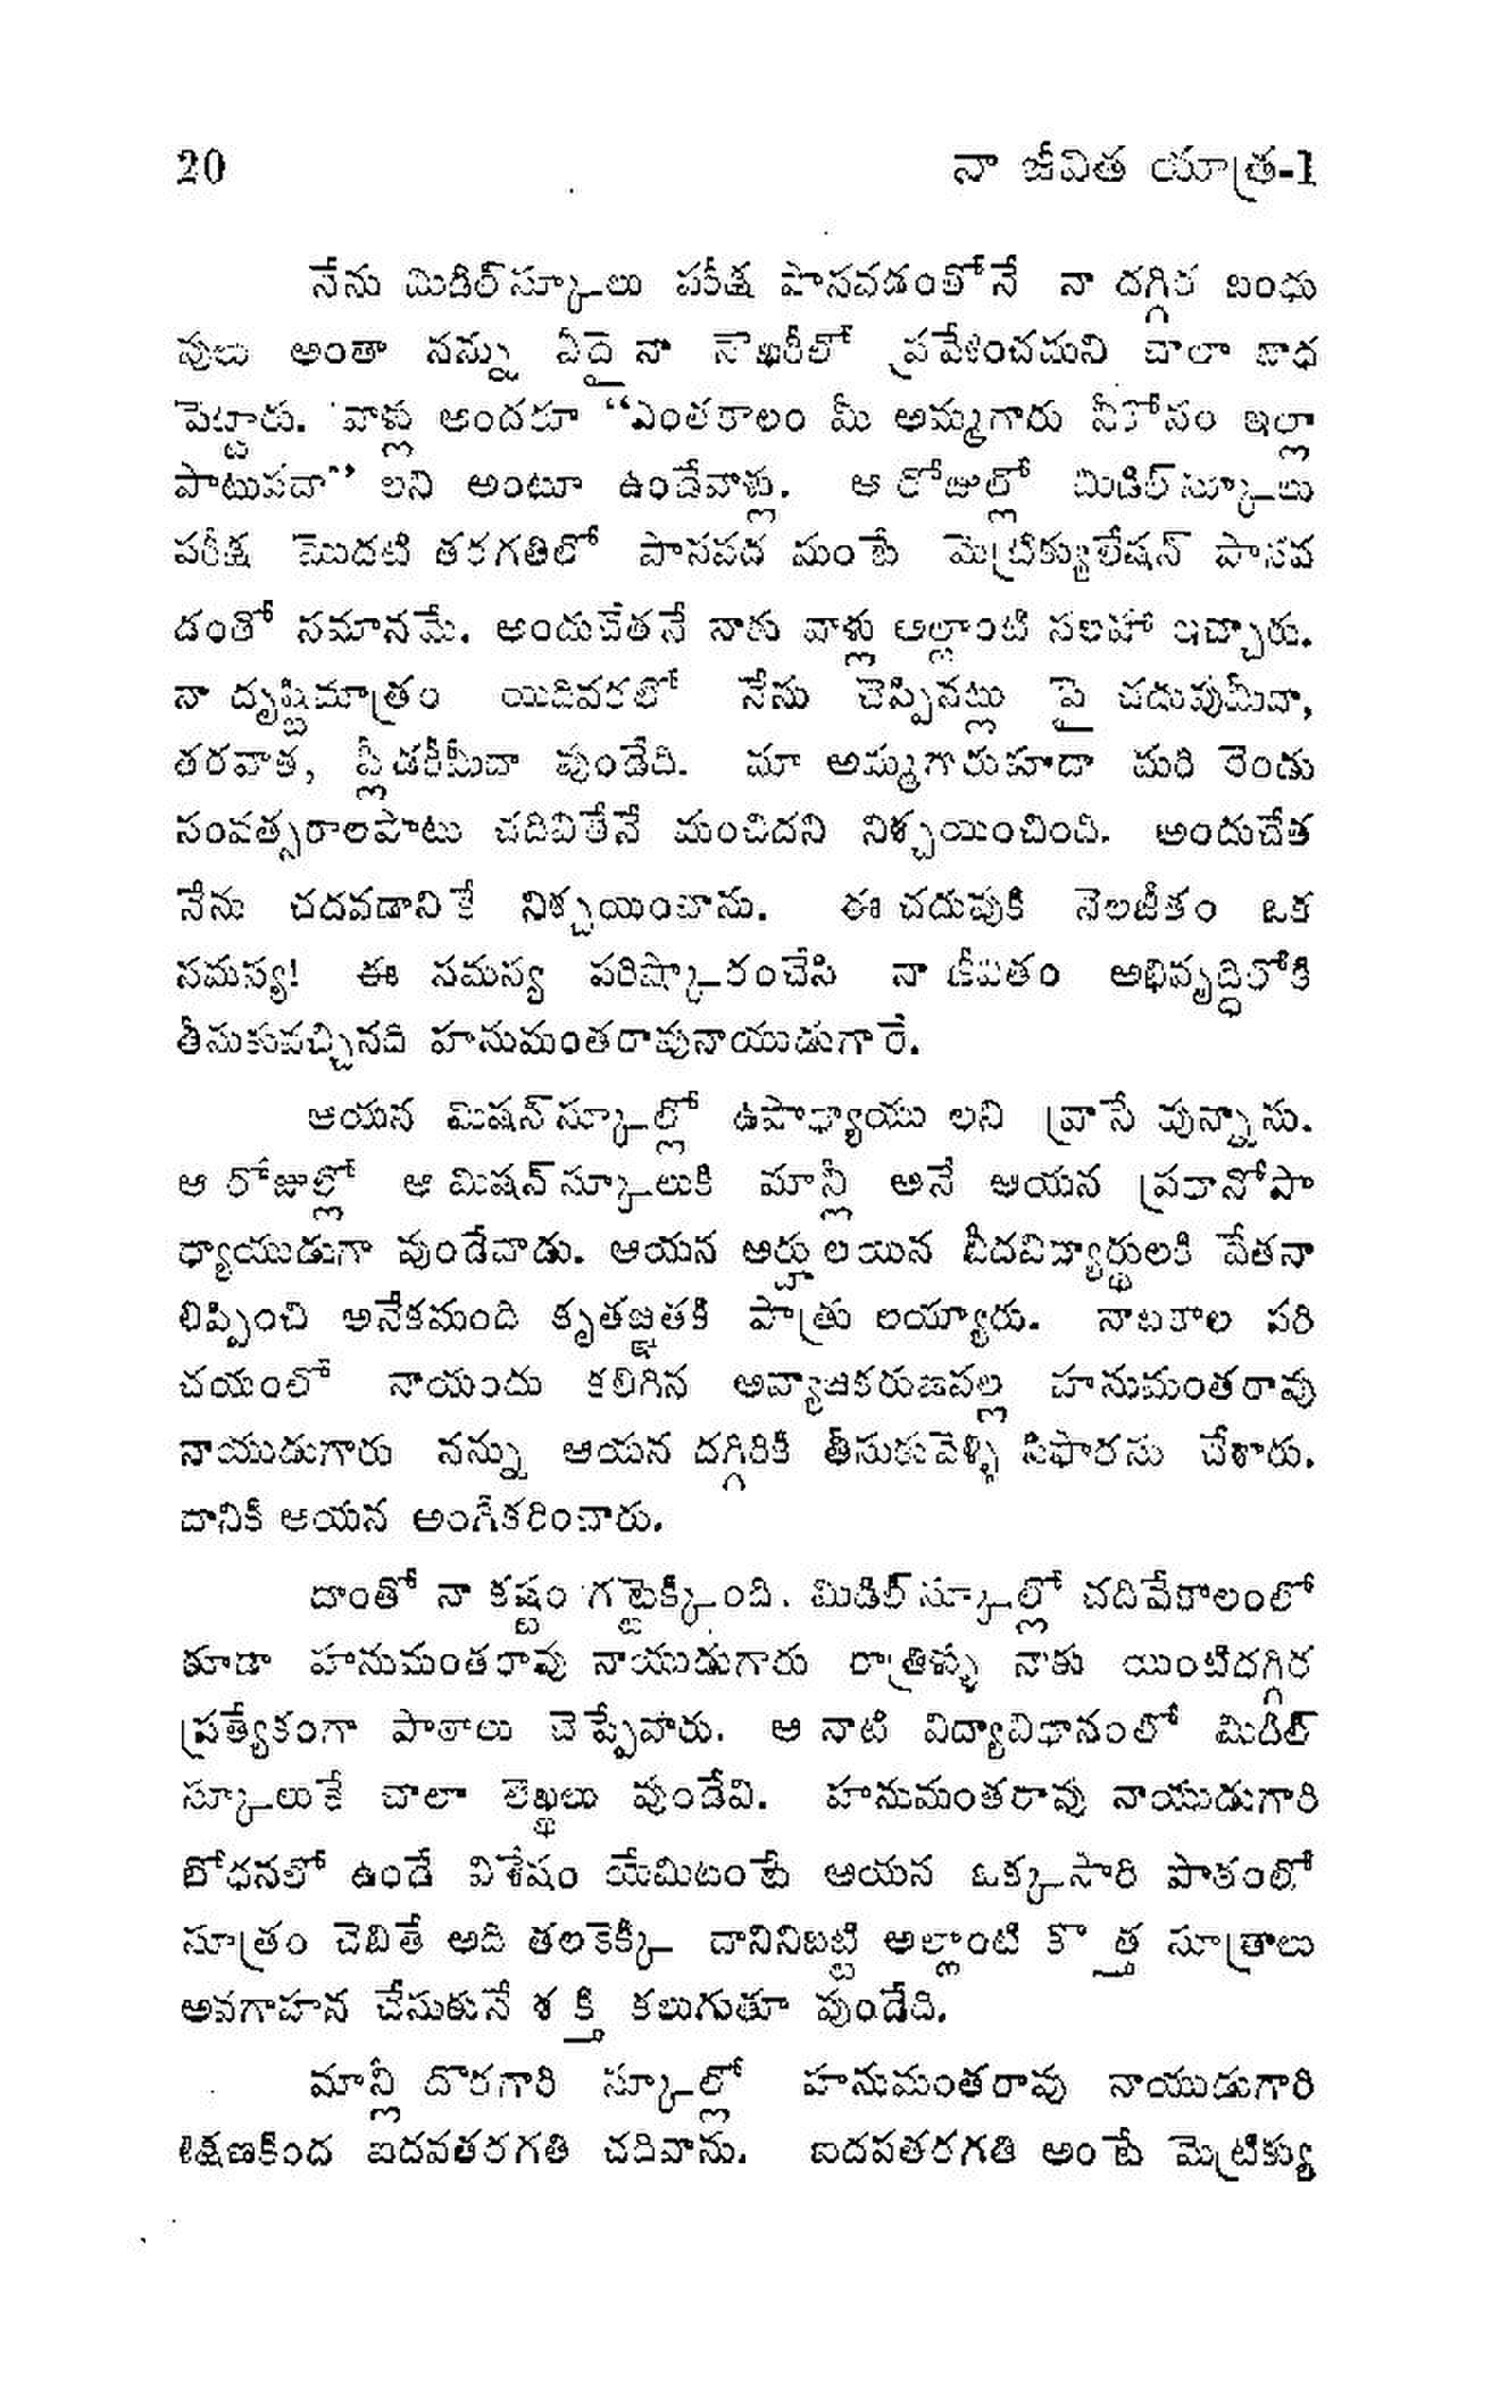నేను మిడిల్ స్కూలు పరీక్ష పాసవడంతోనే నా దగ్గిర బంధువులు అంతా నన్ను ఏదైనా నౌఖరీలో ప్రవేశించమని చాలా బాధపెట్టారు. వాళ్ళు అందరూ "ఎంతకాలం మీ అమ్మగారు నీకోసం ఇల్లా పాటుపడా"లని అంటూ ఉండే వాళ్ళు. ఆ రోజుల్లో మిడిల్ స్కూలు పరీక్ష మొదటి తరగతిలో పాసవడమంటే మెట్రిక్యులేషన్ పాసవడంతో సమానమే. అందుచేతనే నాకు వాళ్ళు అల్లాంటి సలహా ఇచ్చారు. నా దృష్టి మాత్రం యిదివరలో చెప్పినట్లు పై చదువుమీదా, తరవాత, ప్లీడరీమీదా వుండేది. మా అమ్మగారు కూడా మరి రెండు సంవత్సరాలపాటు చదివితేనే మంచిదని నిశ్చయించింది. అందుచేత నేను చదవడానికే నిశ్చయించాను. ఈ చదువుకు నెలజీతం ఒక సమస్య! ఈ సమస్య పరిష్కారం చేసి నా జీవితం అభివృద్ధిలోకి తీసుకువచ్చినది హనుమంతరావునాయుడు గారే.

ఆయన మిషన్ స్కూల్లో ఉపాధ్యాయులని వ్రాసే వున్నాను. ఆ రోజుల్లో ఆ మిషన్ స్కూలుకి మాన్లీ అనే ఆయన ప్రధానోపాధ్యాయుడుగా వుండేవాడు. ఆయన అర్హులయిన బీదవిద్యార్థులకి వేతనాలిప్పించి అనేకమంది కృతజ్ఞతకి పాత్రులయ్యారు. నాటకాల పరిచయంలో నాయందు కలిగిన అవ్యాజ కరుణ వల్ల హనుమంతరావునాయుడుగారు నన్ను ఆయన దగ్గిరికి తీసుకువెళ్ళి సిఫారసు చేశారు. దానికి ఆయన అంగీకరించారు.

దాంతో నా కష్టం గట్టెక్కింది. మిడిల్ స్కూల్లో చదివే కాలంలో కూడా హనుమంతరావు నాయుడుగారు రాత్రిళ్ళు నాకు ఇంటి దగ్గర ప్రత్యేకంగా పాఠాలు చెప్పేవారు. ఆనాటి విద్యావిధానంలో మిడిల్ స్కూలుకే చాలా లెఖ్ఖలు వుండేవి. హనుమంతరావునాయుడు గారి బోధనలో ఉండే విశేషం యేమిటంటే ఆయన ఒక్కసారి పాఠంలో సూత్రం చెబితే అది తలకెక్కి దానినిబట్టి అల్లాంటి కొత్త సూత్రాలు అవగాహన చేసుకునే శక్తి కలుగుతూ వుండేది.

మాన్లీ దొరగారి స్కూల్లో హనుమంతరావు నాయుడుగారి శిక్షణకింద ఐదవతరగతి చదివాను. ఐదవతరగతి అంటే మెట్రిక్యు